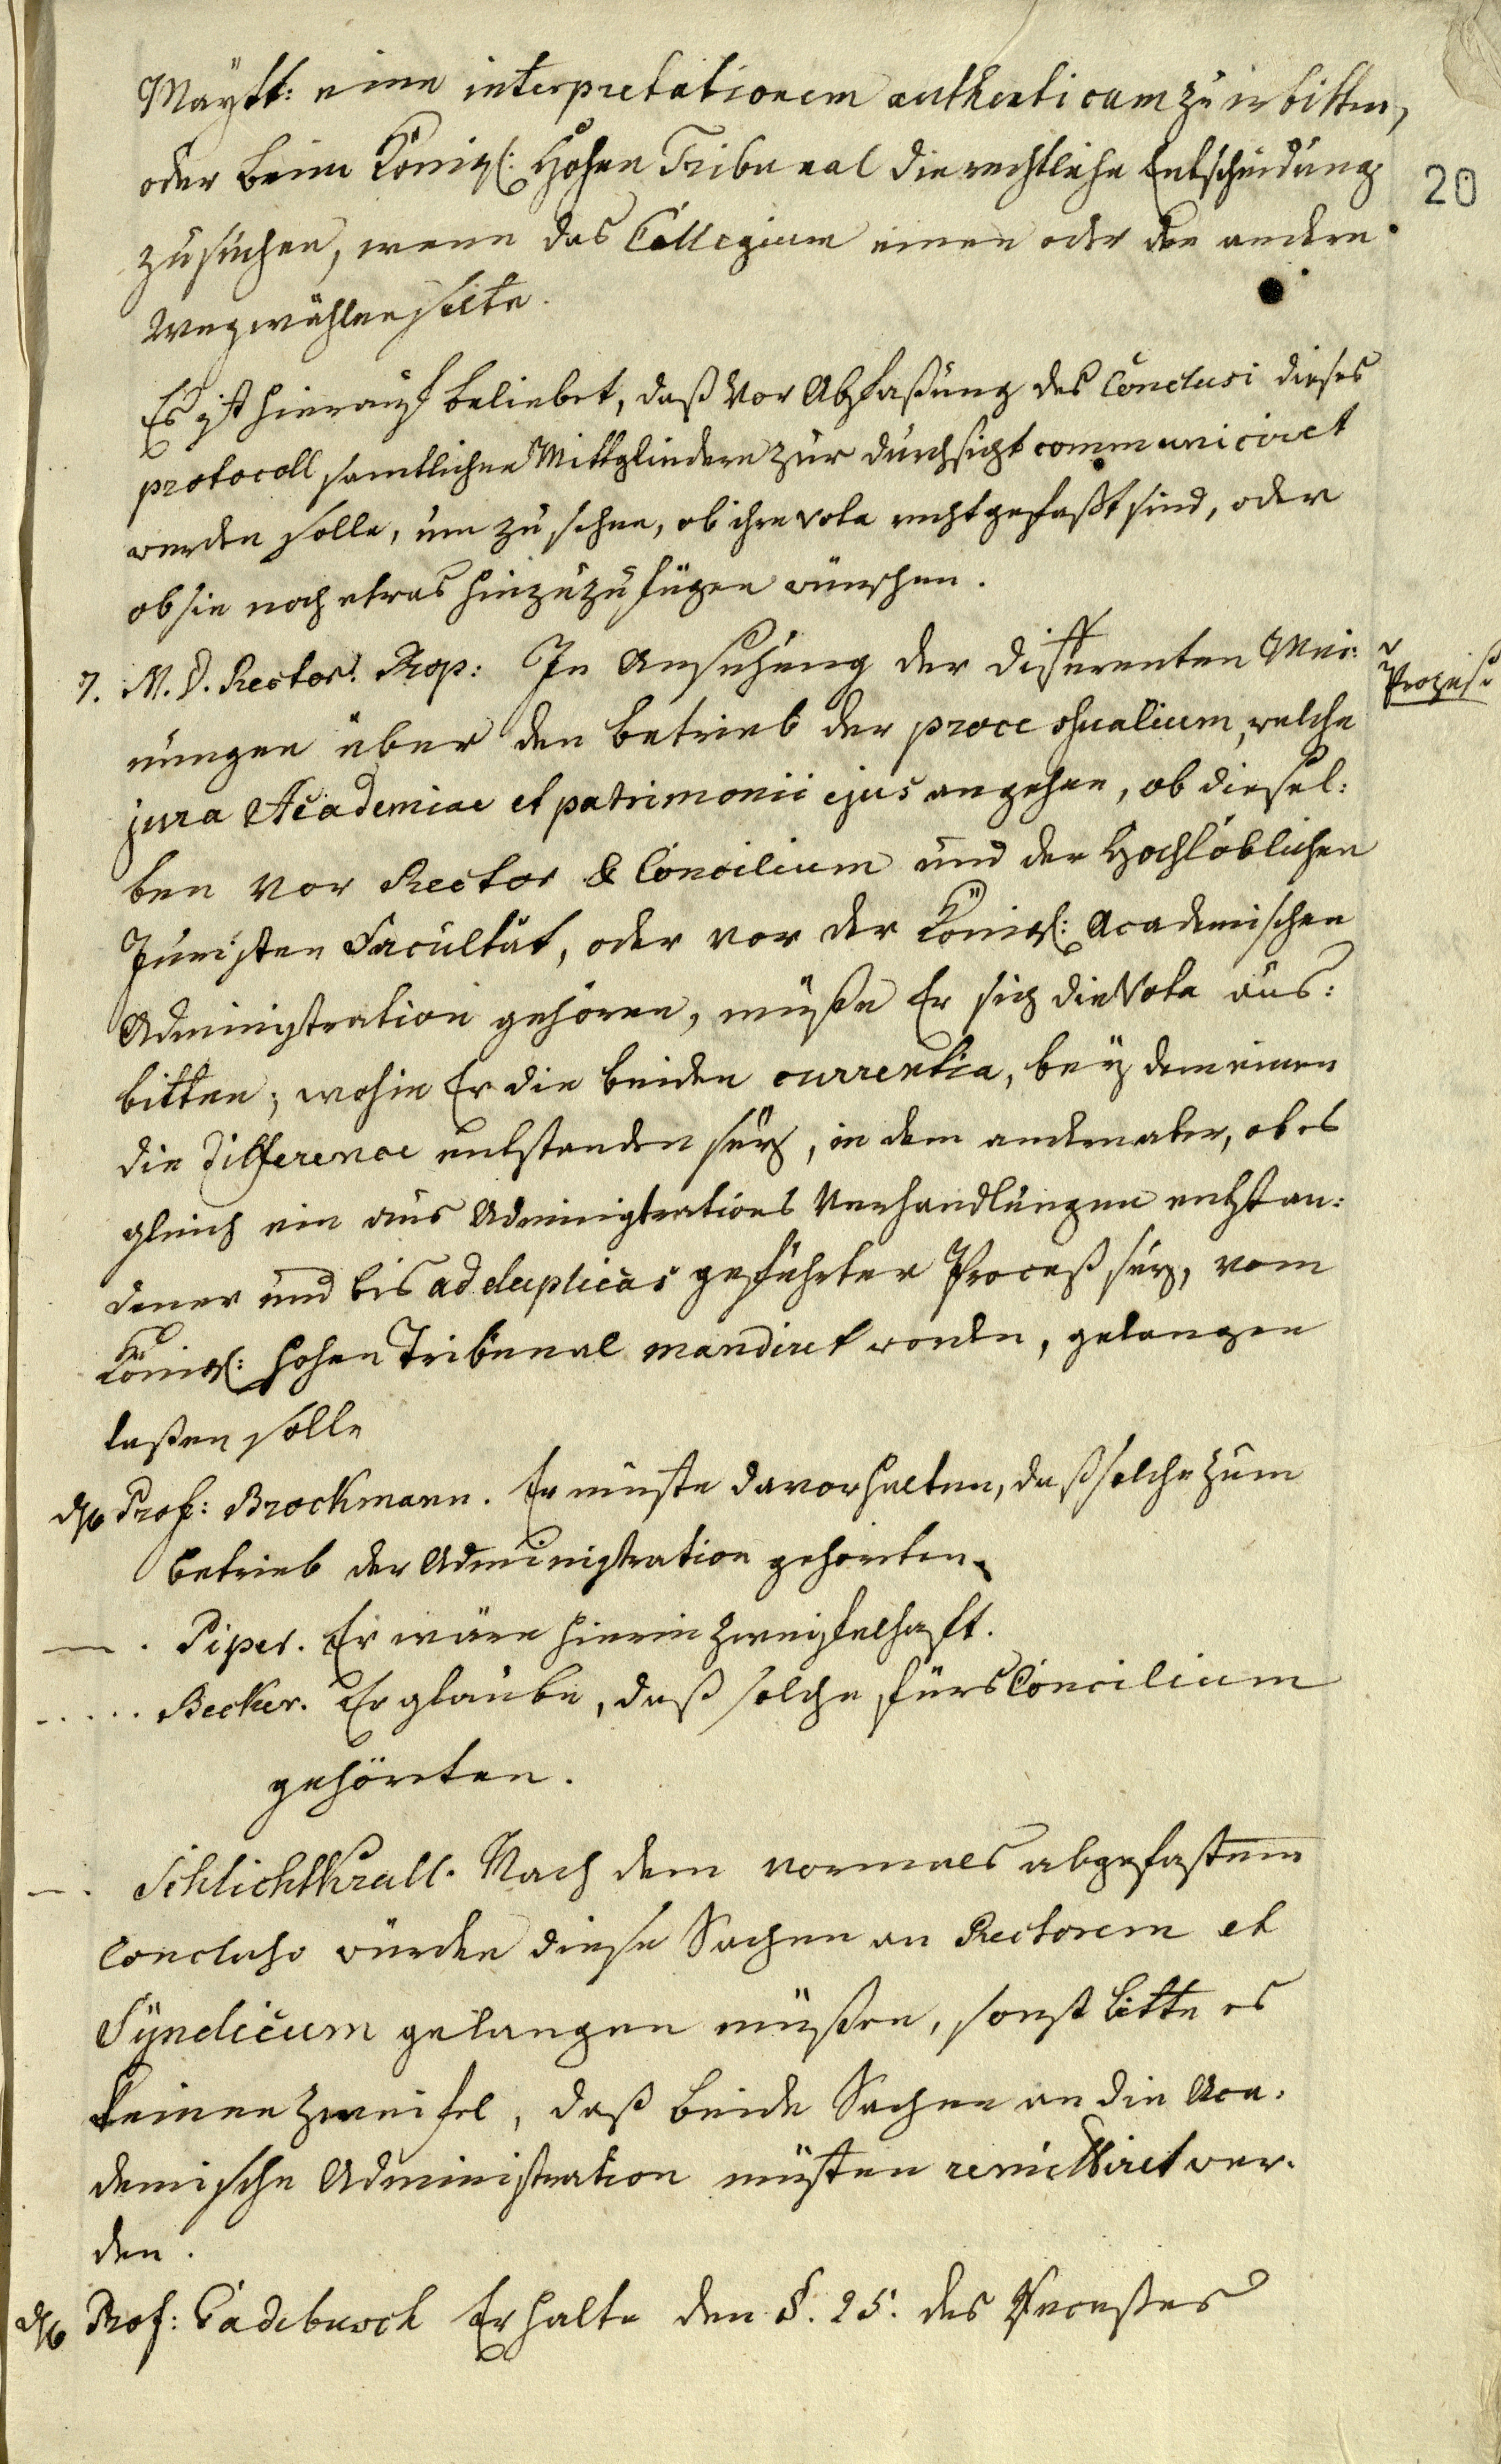Maÿtt. eine interpretationem authenticum zu erbitten,
oder beim Königl. Hohen Tribunal die rechtliche Entscheidung
zu suchen, wenn das Collegium einen der den andern
Weg wählen solte.
Es ist hierauf beliebet, daß vor Abfassung des Conclusi dieses
protocoll samtlichen Mittgliederm zur Durchsicht communiciret
werden solle, um zu sehen, ob ihre vota recht gefaßt sind, oder
ob sie noch etwas hinzuzufügen wünschen.
7. M. D. Rector: Prop: In Ansehung der differenten Mei¬
nungen über den Betrieb der processualium, welche
jua Academie et patrimonii ejus angehen, ob diesel¬
ben vor Rector et Concilium und der Hochlöblichen
Juristen Facultät, oder von der Königl. Academischen
Administration gehören, müßte Er sich die Vota aus¬
bitten; wohin Er die beiden currentia, beÿ dem einem
die difference entstanden seÿ, in dem andern aber, ob es
gleich ein aus Administrations Verhandlengun entstan¬
dener und bis ad duplicas geführter Proceß seÿ, vom
Königl. hohen Tribunal mandiret worden, gelangen
lassen solle
dh Prof: Brockmann. Er müßte davor halten, daß solche zum
Betrieb der Administration gehörten.
Piper. Er wäre hierin zweifelhaft.
Becker. Er glaube, daß solche fürs Concilium
gehöreten.
Schlichtkrull. Nach dem vormals abgefaßtem
Concluso würden diese Sachen an Rectorem et
Sÿndicum gelangen müßten, sonst litte es
keinen Zweifel, daß beide Sachen an die Aca¬
demische Administration müßten remittiret wer¬
den.
dh. Prof. Gadebusch Er halte dem §. 25. des Recesses